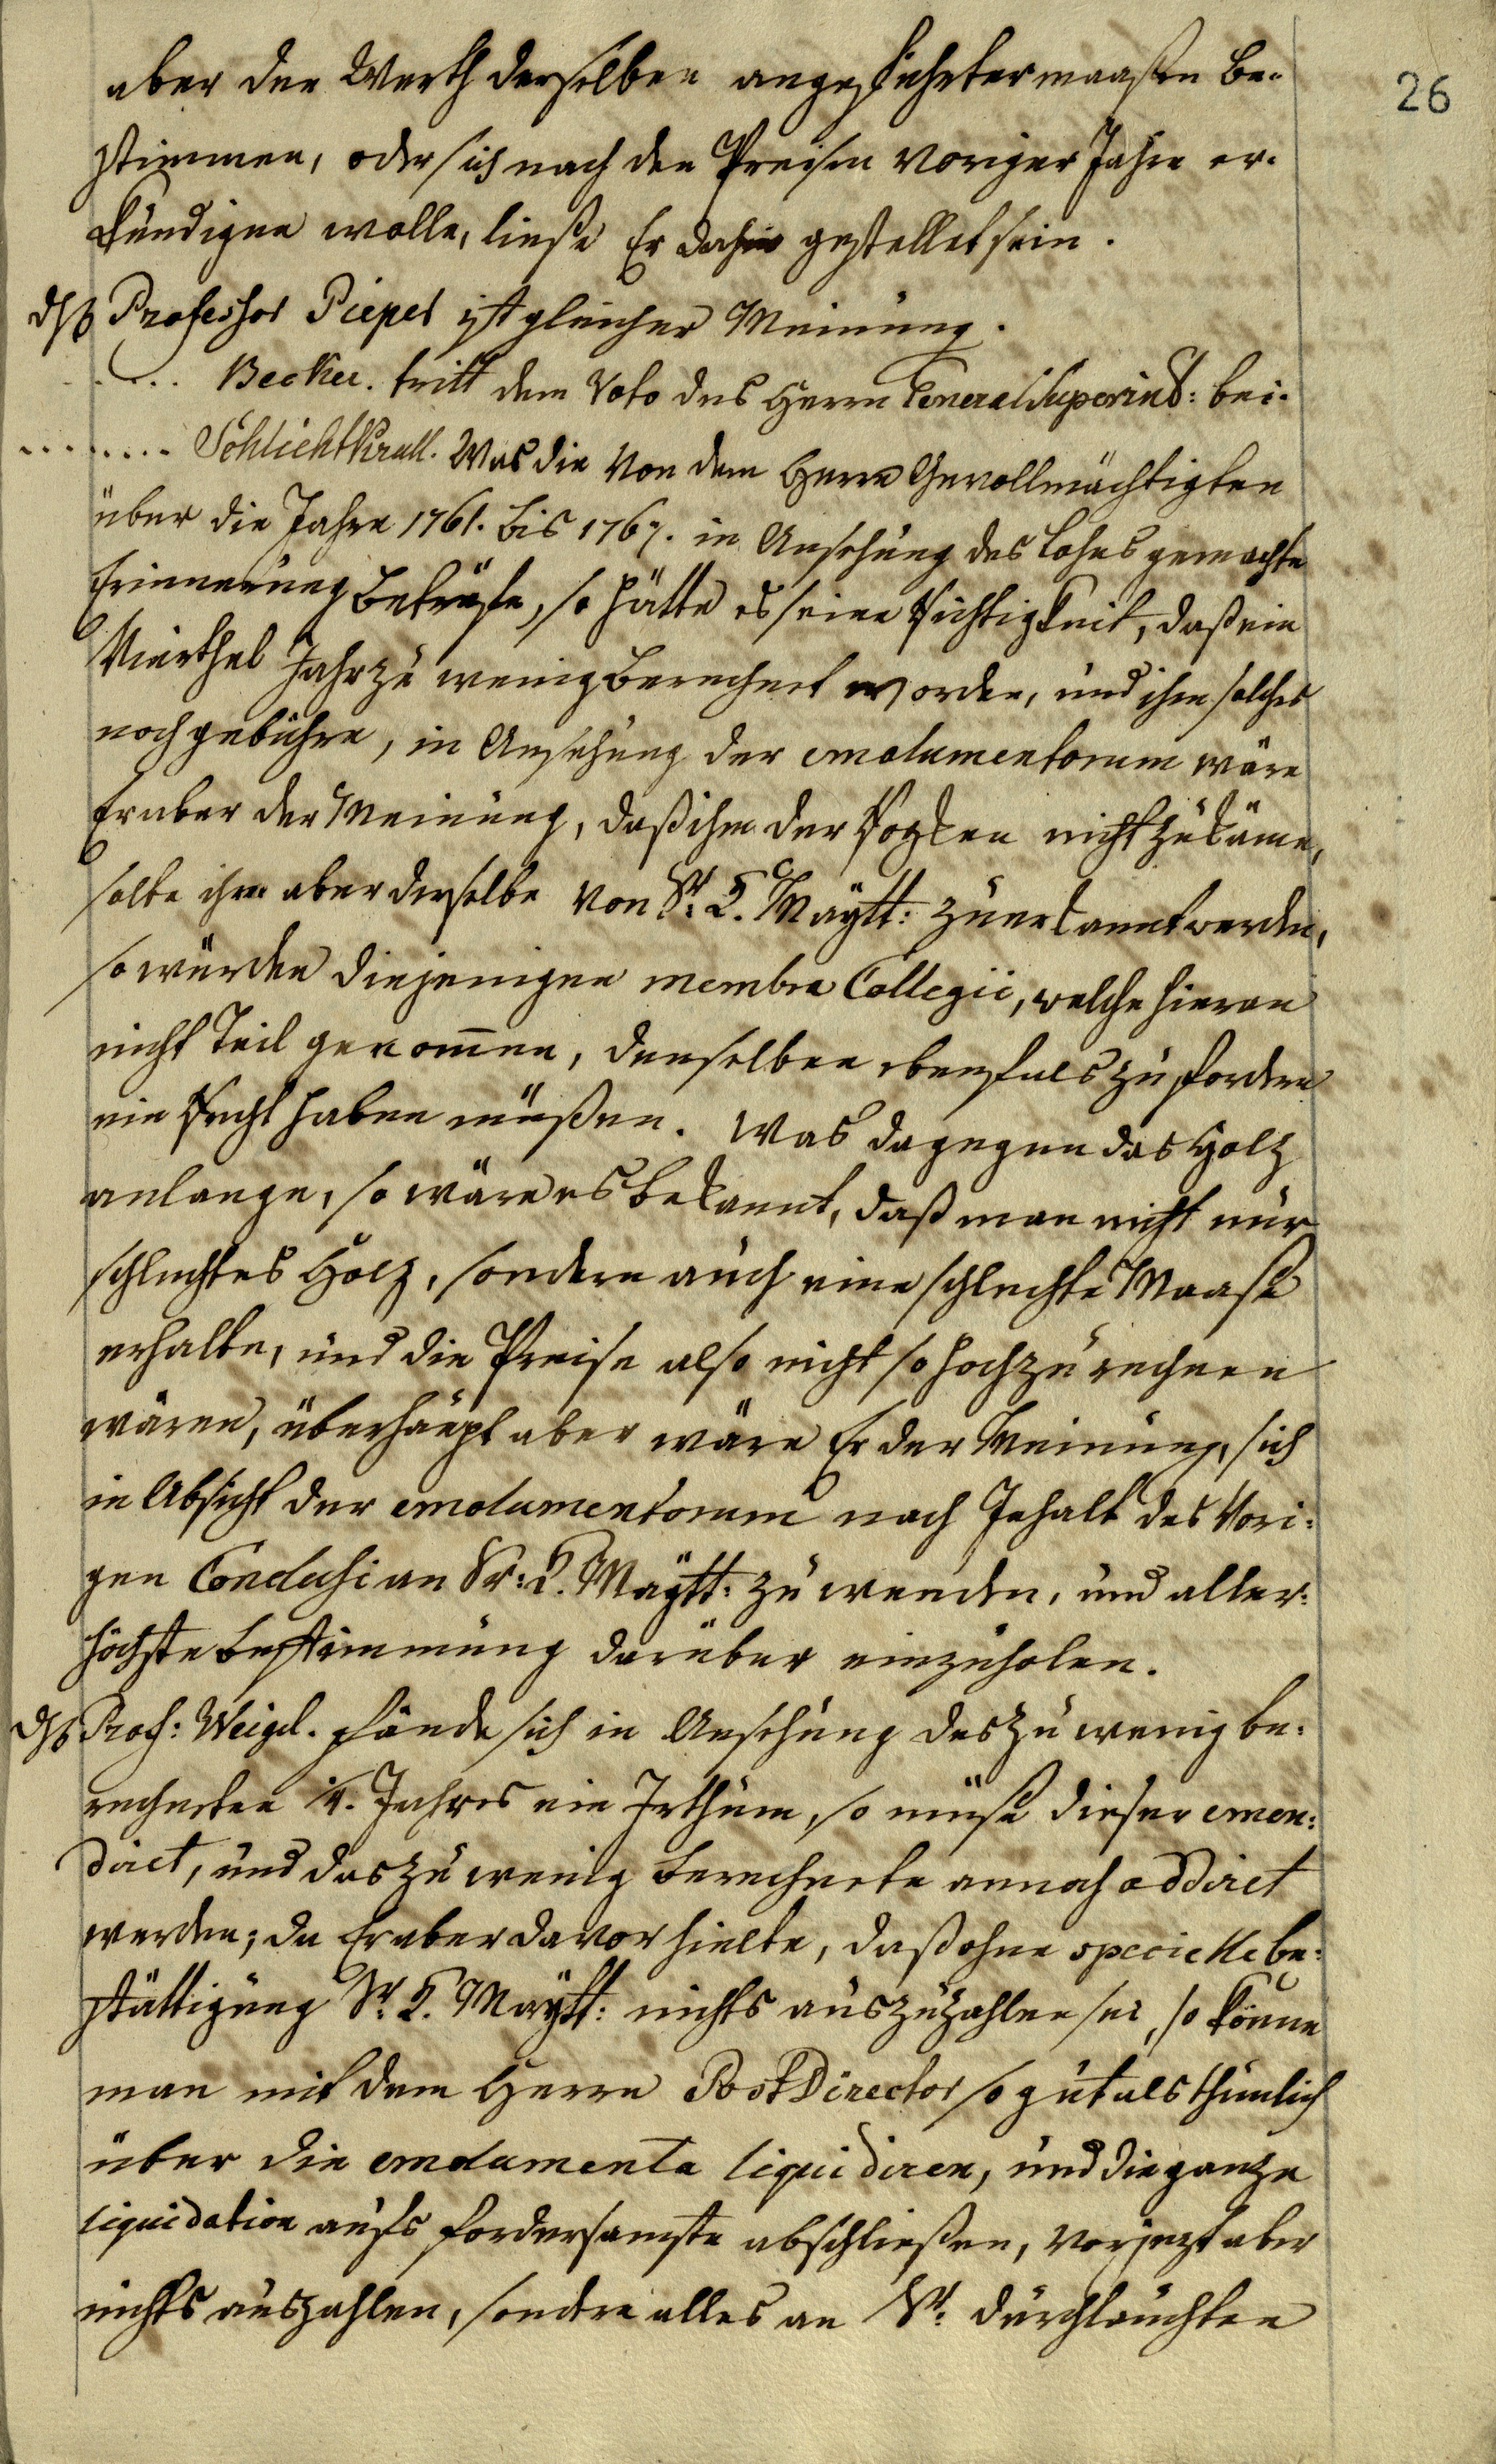aber den Werth derselben angeführtermaaßen be¬
stimmen, oder sich nach den Preisen voriger Jahre er¬
kundigen wolle, ließe Er dahin gestellet sein.
dh. Professor Pieper ist gleicher Meinung.
Becker. tritt dem Voto des Herrn GeneralSuperint. bei.
Schlichtkrull. Was die von dem Herrn Gevollmächtigten
über die Jahre 1761. bis 1767. in Ansehung des Lohns gemachte
Erinnerung beträfe, so hätte es seine Richtigkeit, daß ein
Vierthel Jahr zu wenig berechnet worden, und ihm solches
noch gebühre, in Ansehung der emolumentorum wäre
Er aber der Meinung, daß ihm der Rogken nicht zukäme,
solte ihm aber derselbe von Sr. K. Maÿtt. zuerkannt werden,
so würden diejenigen membra Collegii, welche hieran
nicht Teil genomen, denselben ebenfals zu fordern
ein Recht haben müßen. Was dagegen das Holz
anlange, so wäre es bekannt, daß man nicht nur
schlechtes Holz, sondern auch eine schlechte Maaße
erhalte, und die Preise also nicht so hochzurechnen
wären, überhaupt aber wäre Er der Meinung, sich
in Absicht der emolumentorum nach Inhalt des vori¬
gen Conclusi an Sr. K. Maÿtt. zu wenden, und aller¬
höchste Bestimmung darüber einzuholen.
dh Prof. Weigel. fände sich in Ansehung des zu wenig be¬
rechneten ¼ Jahres ein Irthum, so müße dieser emen¬
diret, und das zu wenig berechnete annoch addiret
werden; da Er aber davor hielte, daß ohne specielle Be¬
stättigung Sr. K. Maÿtt. nichts auszuzahlen sei, so könne
man mit dem Herrn PostDirector so gut als thunlich
über die emolumente liquidiren, und die ganze
liquidation aufs fordersamste abschließen, vorjezt aber
nichts auszahlen, sondern alles an Sr Durchlauchten